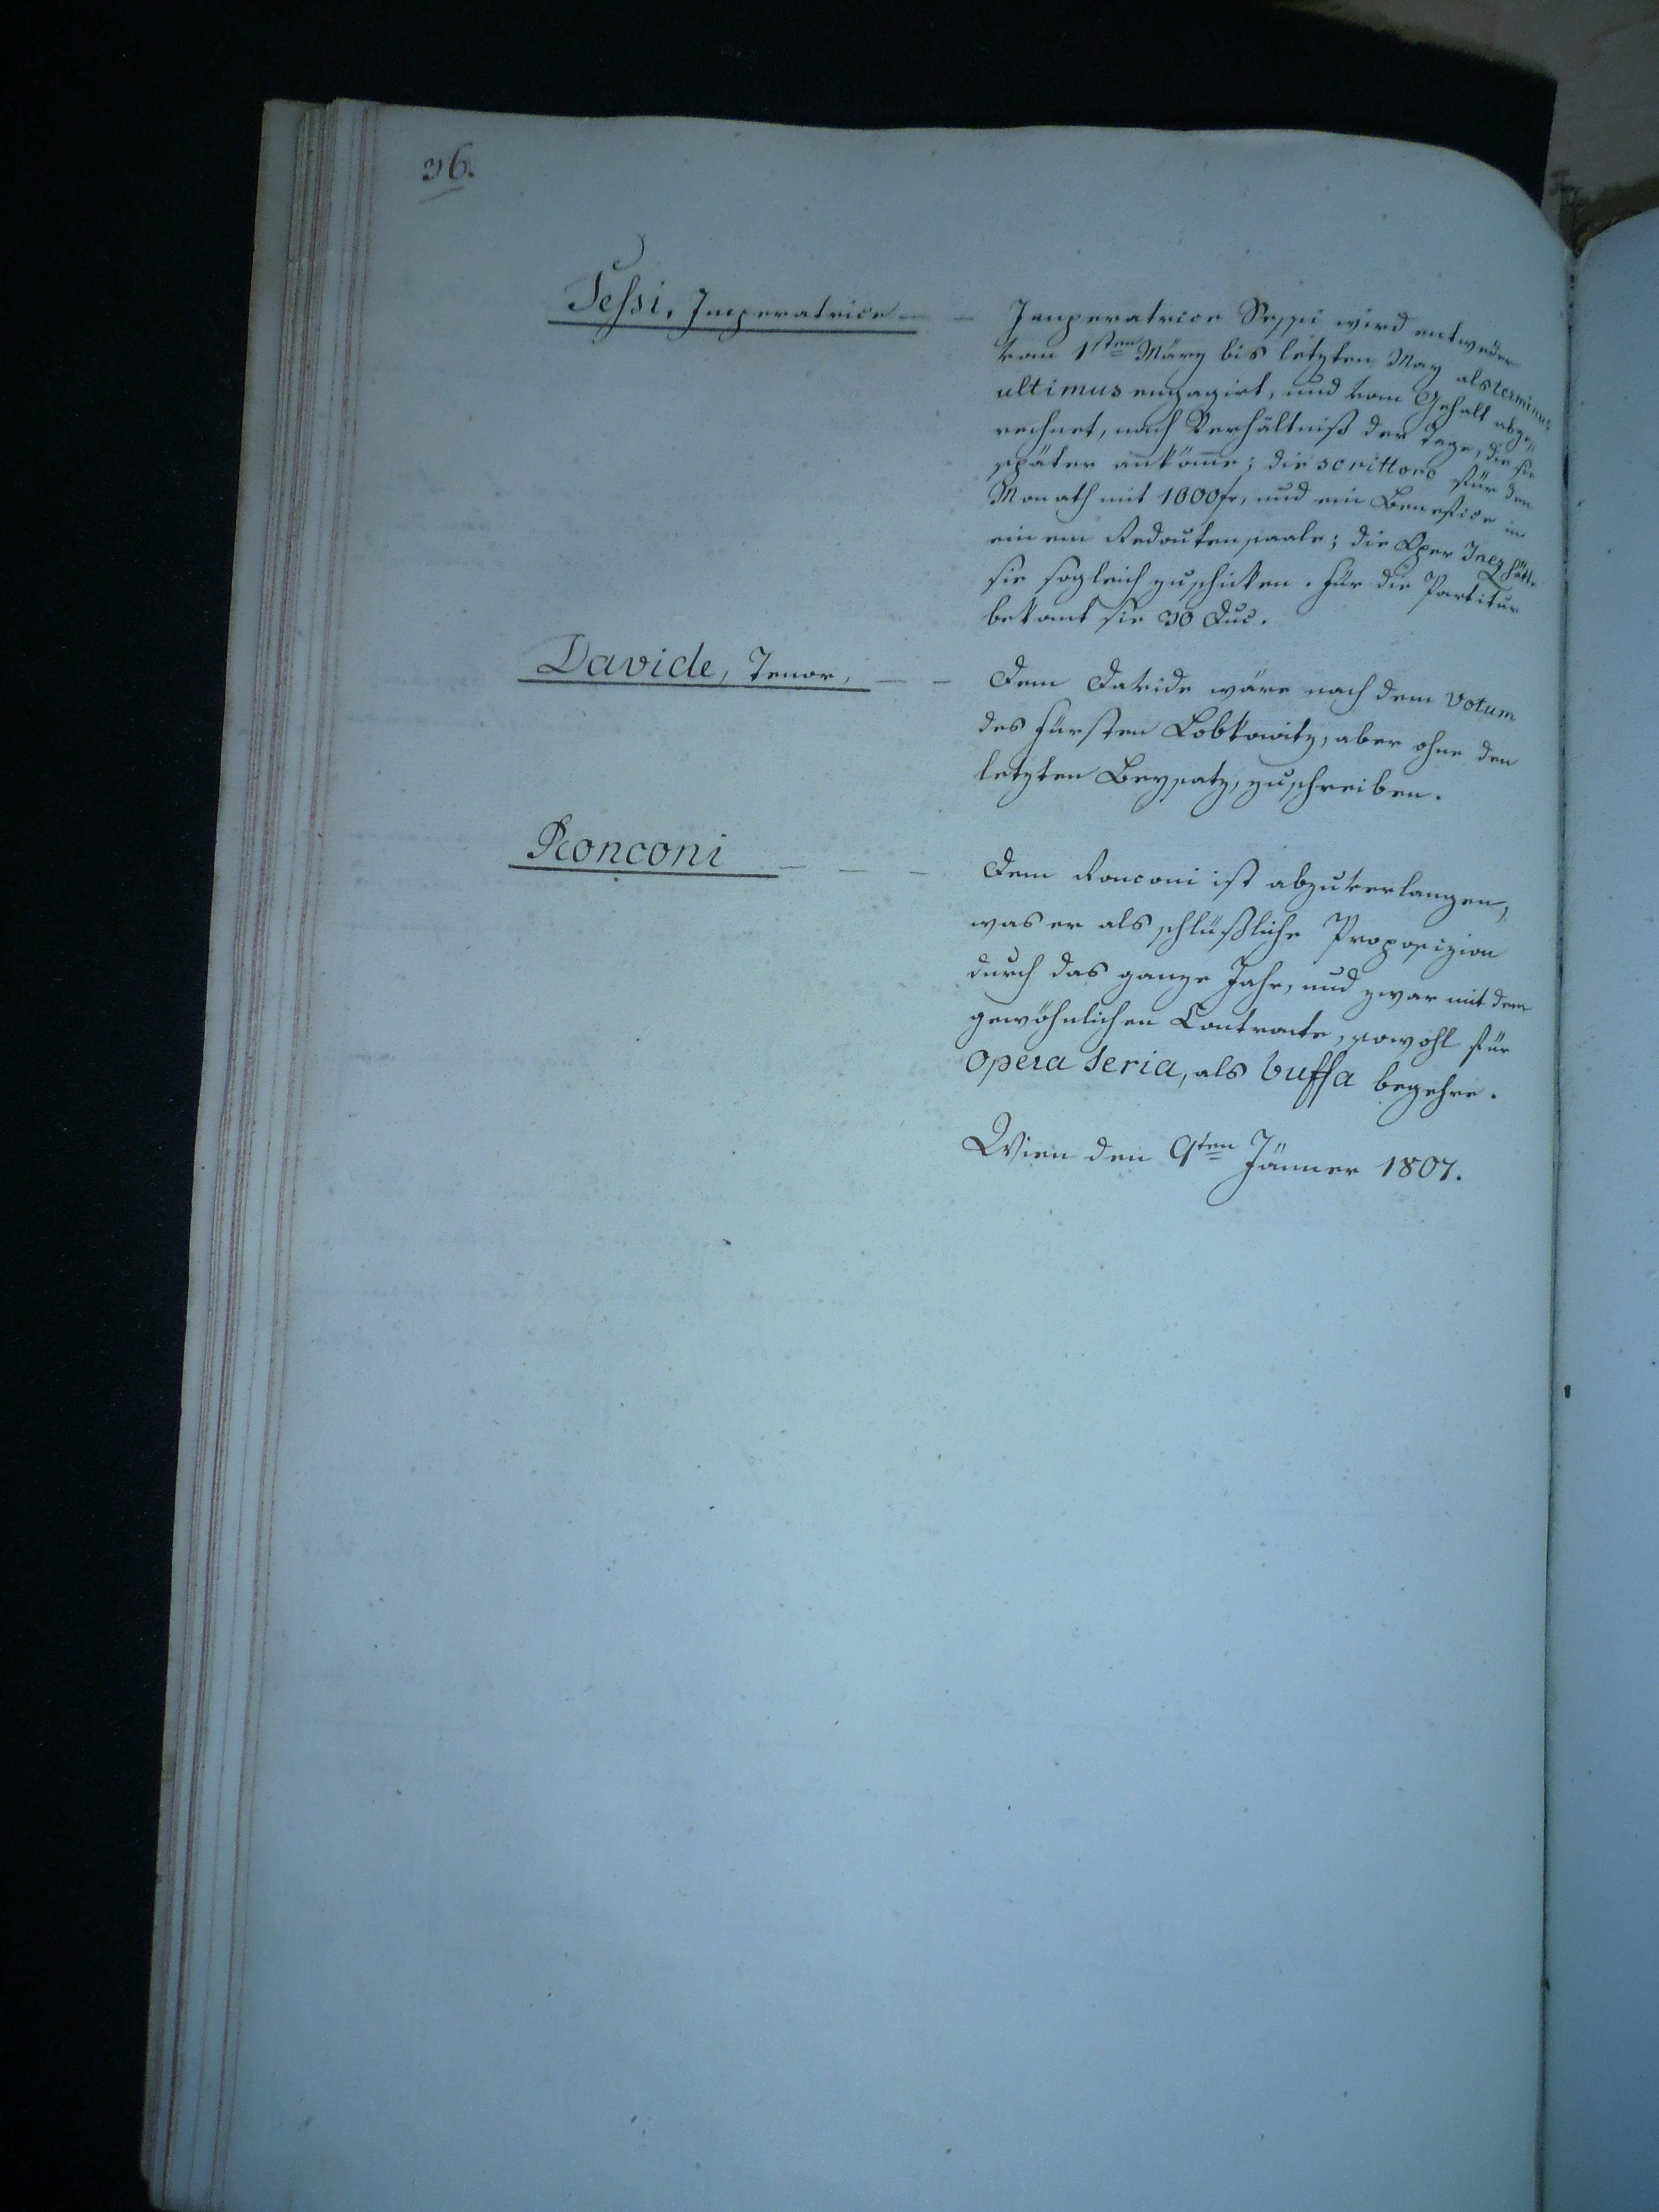36.
Sessi, Imperatrice _ _ Imperatrice Sessi wird entweder
vom 1ste͇n März bis letzten May als terminus
ultimus engagirt, und vom Gehalt abge¬
rechnet, nach Verhältniß der Tage, die sie
später anköm̅e; die scrittore für den
Monath mit 1000fr, und ein Benefice in
einem Redoutensaale; die Oper Inez hätte
sie sogleich zuschicken. Für die Partitur
bekomt sie 30 Duc.
Davide, Tenor, _ _ Dem Davide wäre nach dem votum
des Fürsten Lobkowitz, aber ohne den
letzten Beysatz, zuschreiben.
Ronconi _ _ _ Dem Ronconi ist abzuverlangen,
was er als schlüßliche Proposizion
durch das ganze Jahr, und zwar mit dem
gewöhnlichen Contracte, sowohl für
Opera Seria, als Buffa begehre.
Wien den 9te͇n Jänner 1807.